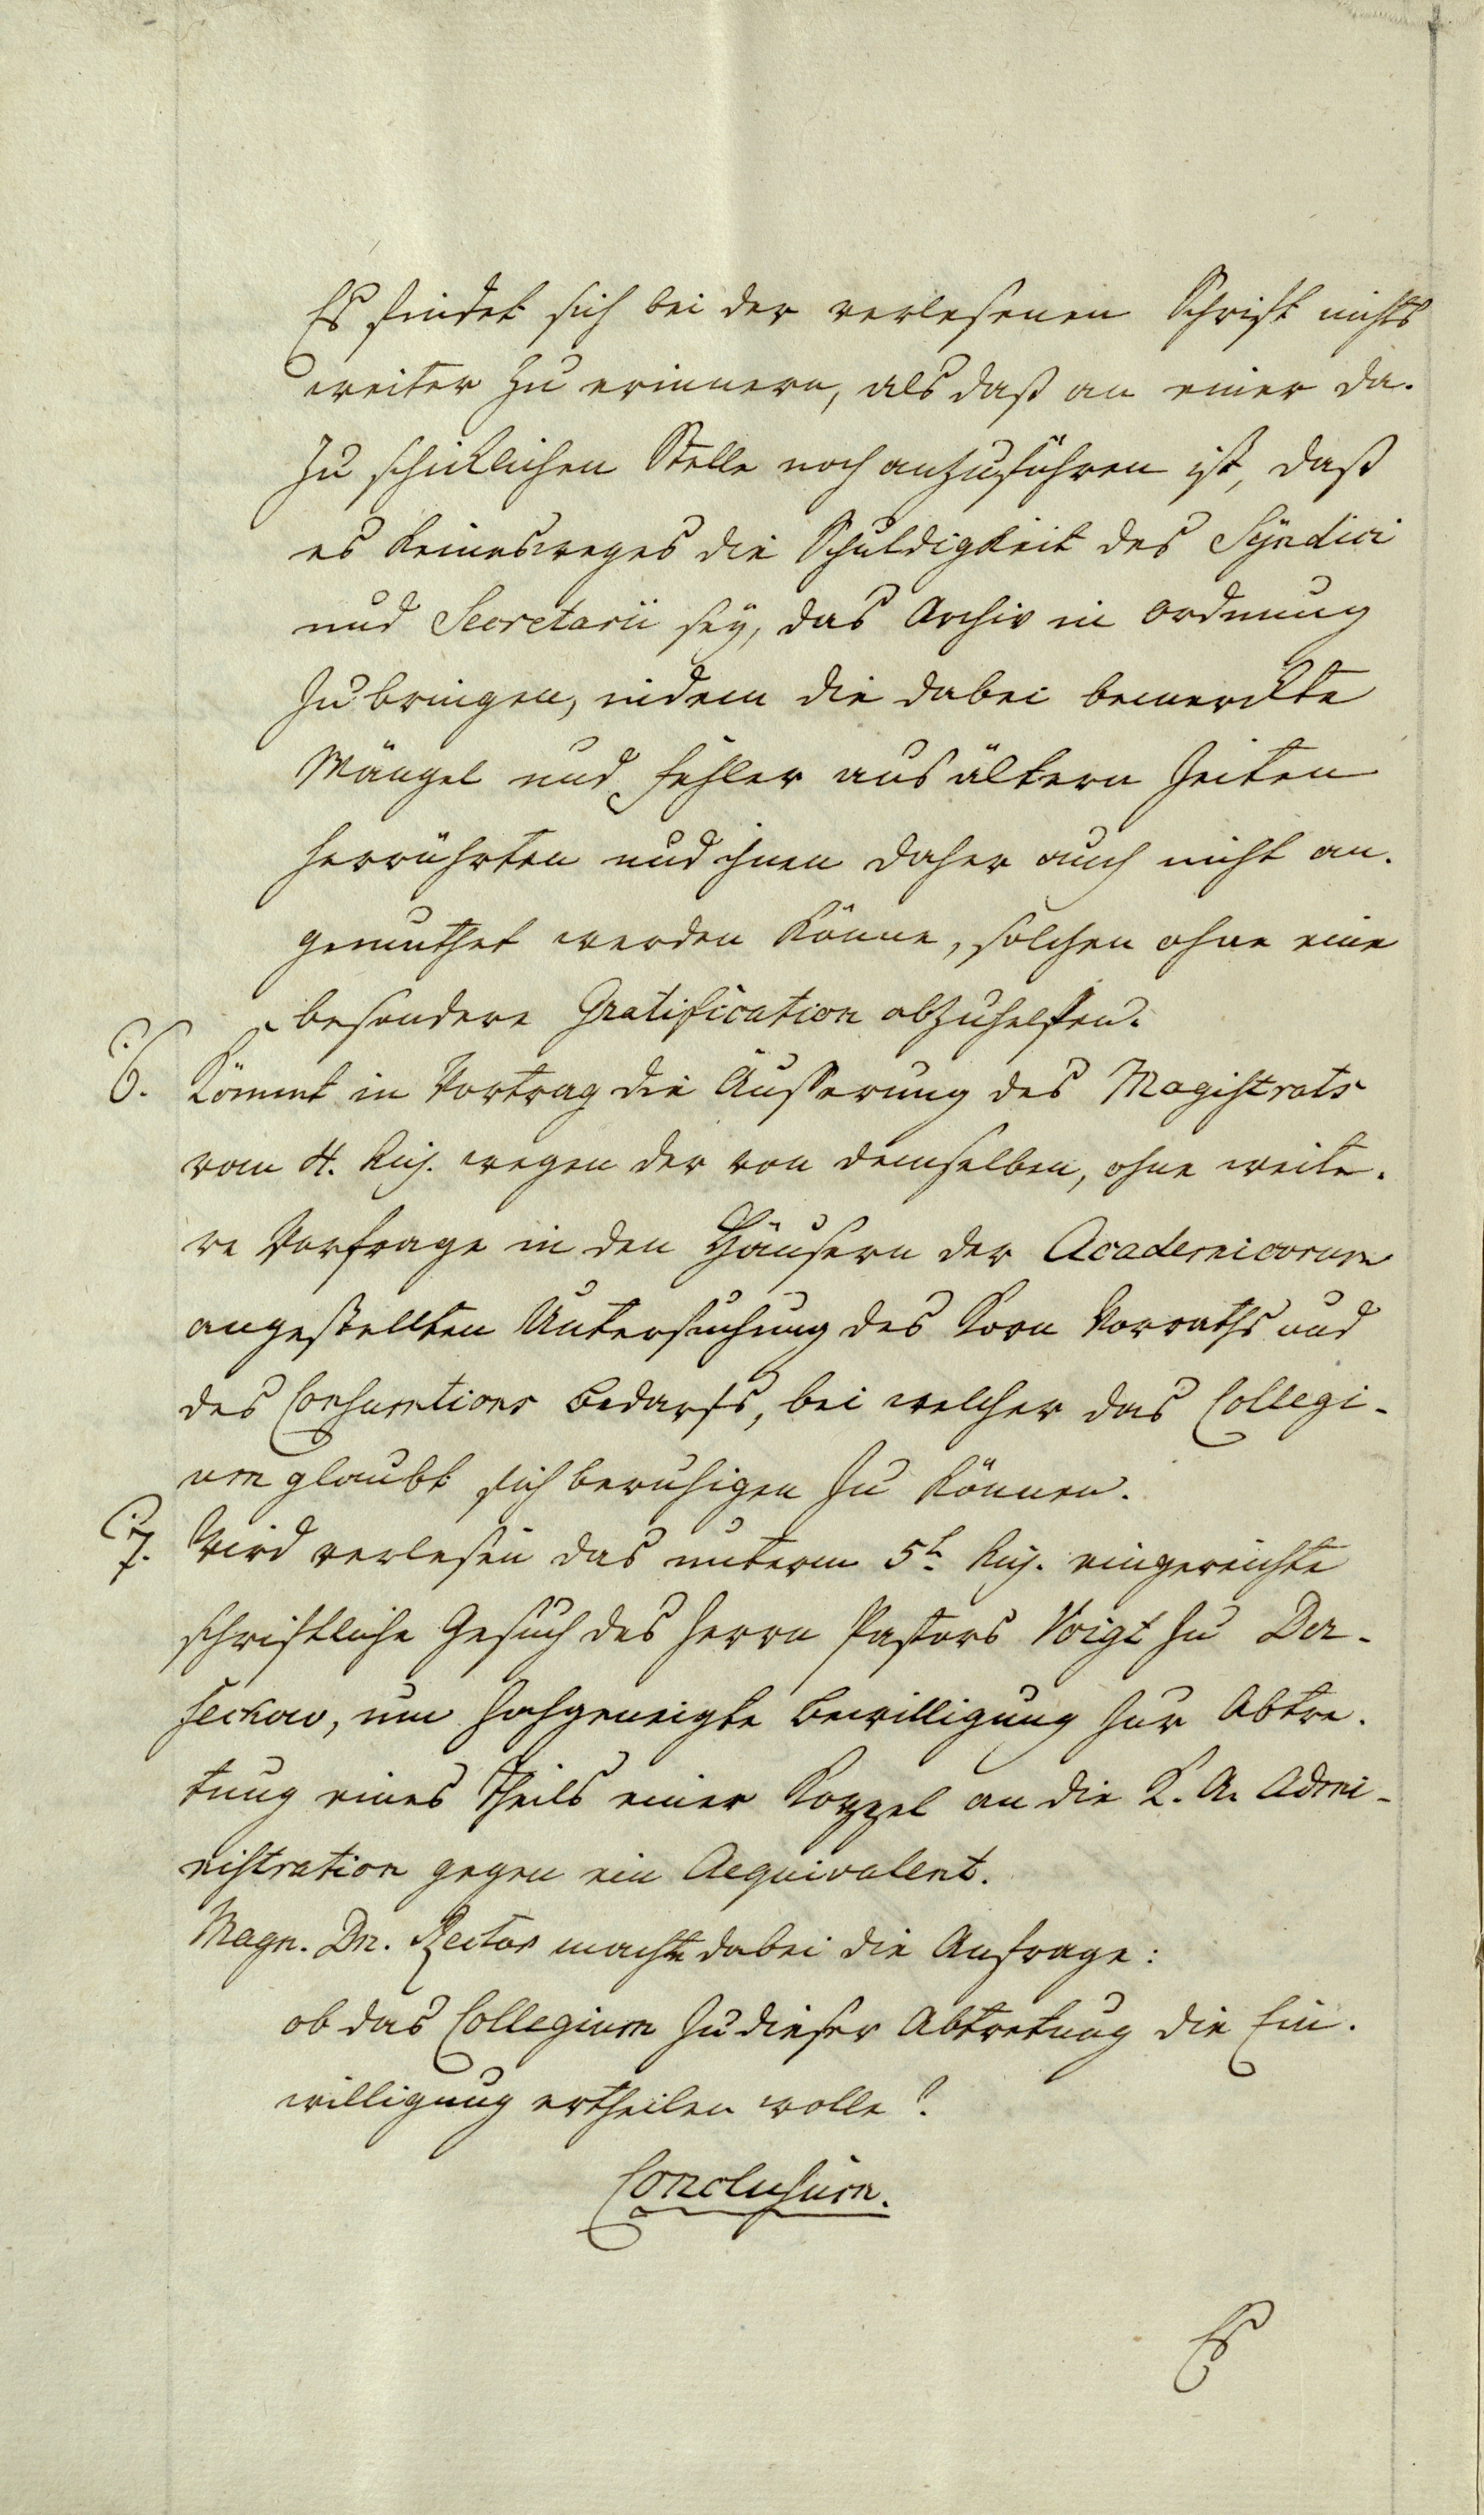Es findet sich bei der verlesenen Schrift nichts
weiter zu erinnern, als daß an einer da¬
zu schicklichen Stelle noch anzuführen ist, daß
es keinesweges die Schuldigkeit des Sÿndici
und Secretarii seÿ, das Archiv in Ordnung
zu bringen, indem die dabei bemerckten
Mängel und Fehler aus ältern Zeiten
herrührten und ihnen daher auch nicht an¬
gemuthet werden könne, solchen ohne eine
besondere Gratification abzuhelfen.
6. Kömmt in Vortrag die Äusserung des Magistrats
vom 4. huj. wegen der von demselben, ohne weite¬
re Vorfrage in den Häusern der Academicorum
angestellten Untersuchung des Korn Vorraths und
des Consumtions Bedarfs, bei welcher das Collegi¬
um glaubt sich beruhigen zu können.
7. Wird verlesen das unterm 5t. huj. eingereichte
schriftliche Gesuch des Herrn Pastors Voigt zu Da¬
seckow, um Hochgeneigte Bewilligung zur Abtre¬
tung eines Theils einer Koppel an die K. A. Admi¬
nistration gegen ein Aequivalent.
Magn. Dn. Rector machte dabei die Anfrage:
ob das Collegium zu dieser Abtretung die Ein¬
willigung ertheilen wolle?
Conclusum.
Es